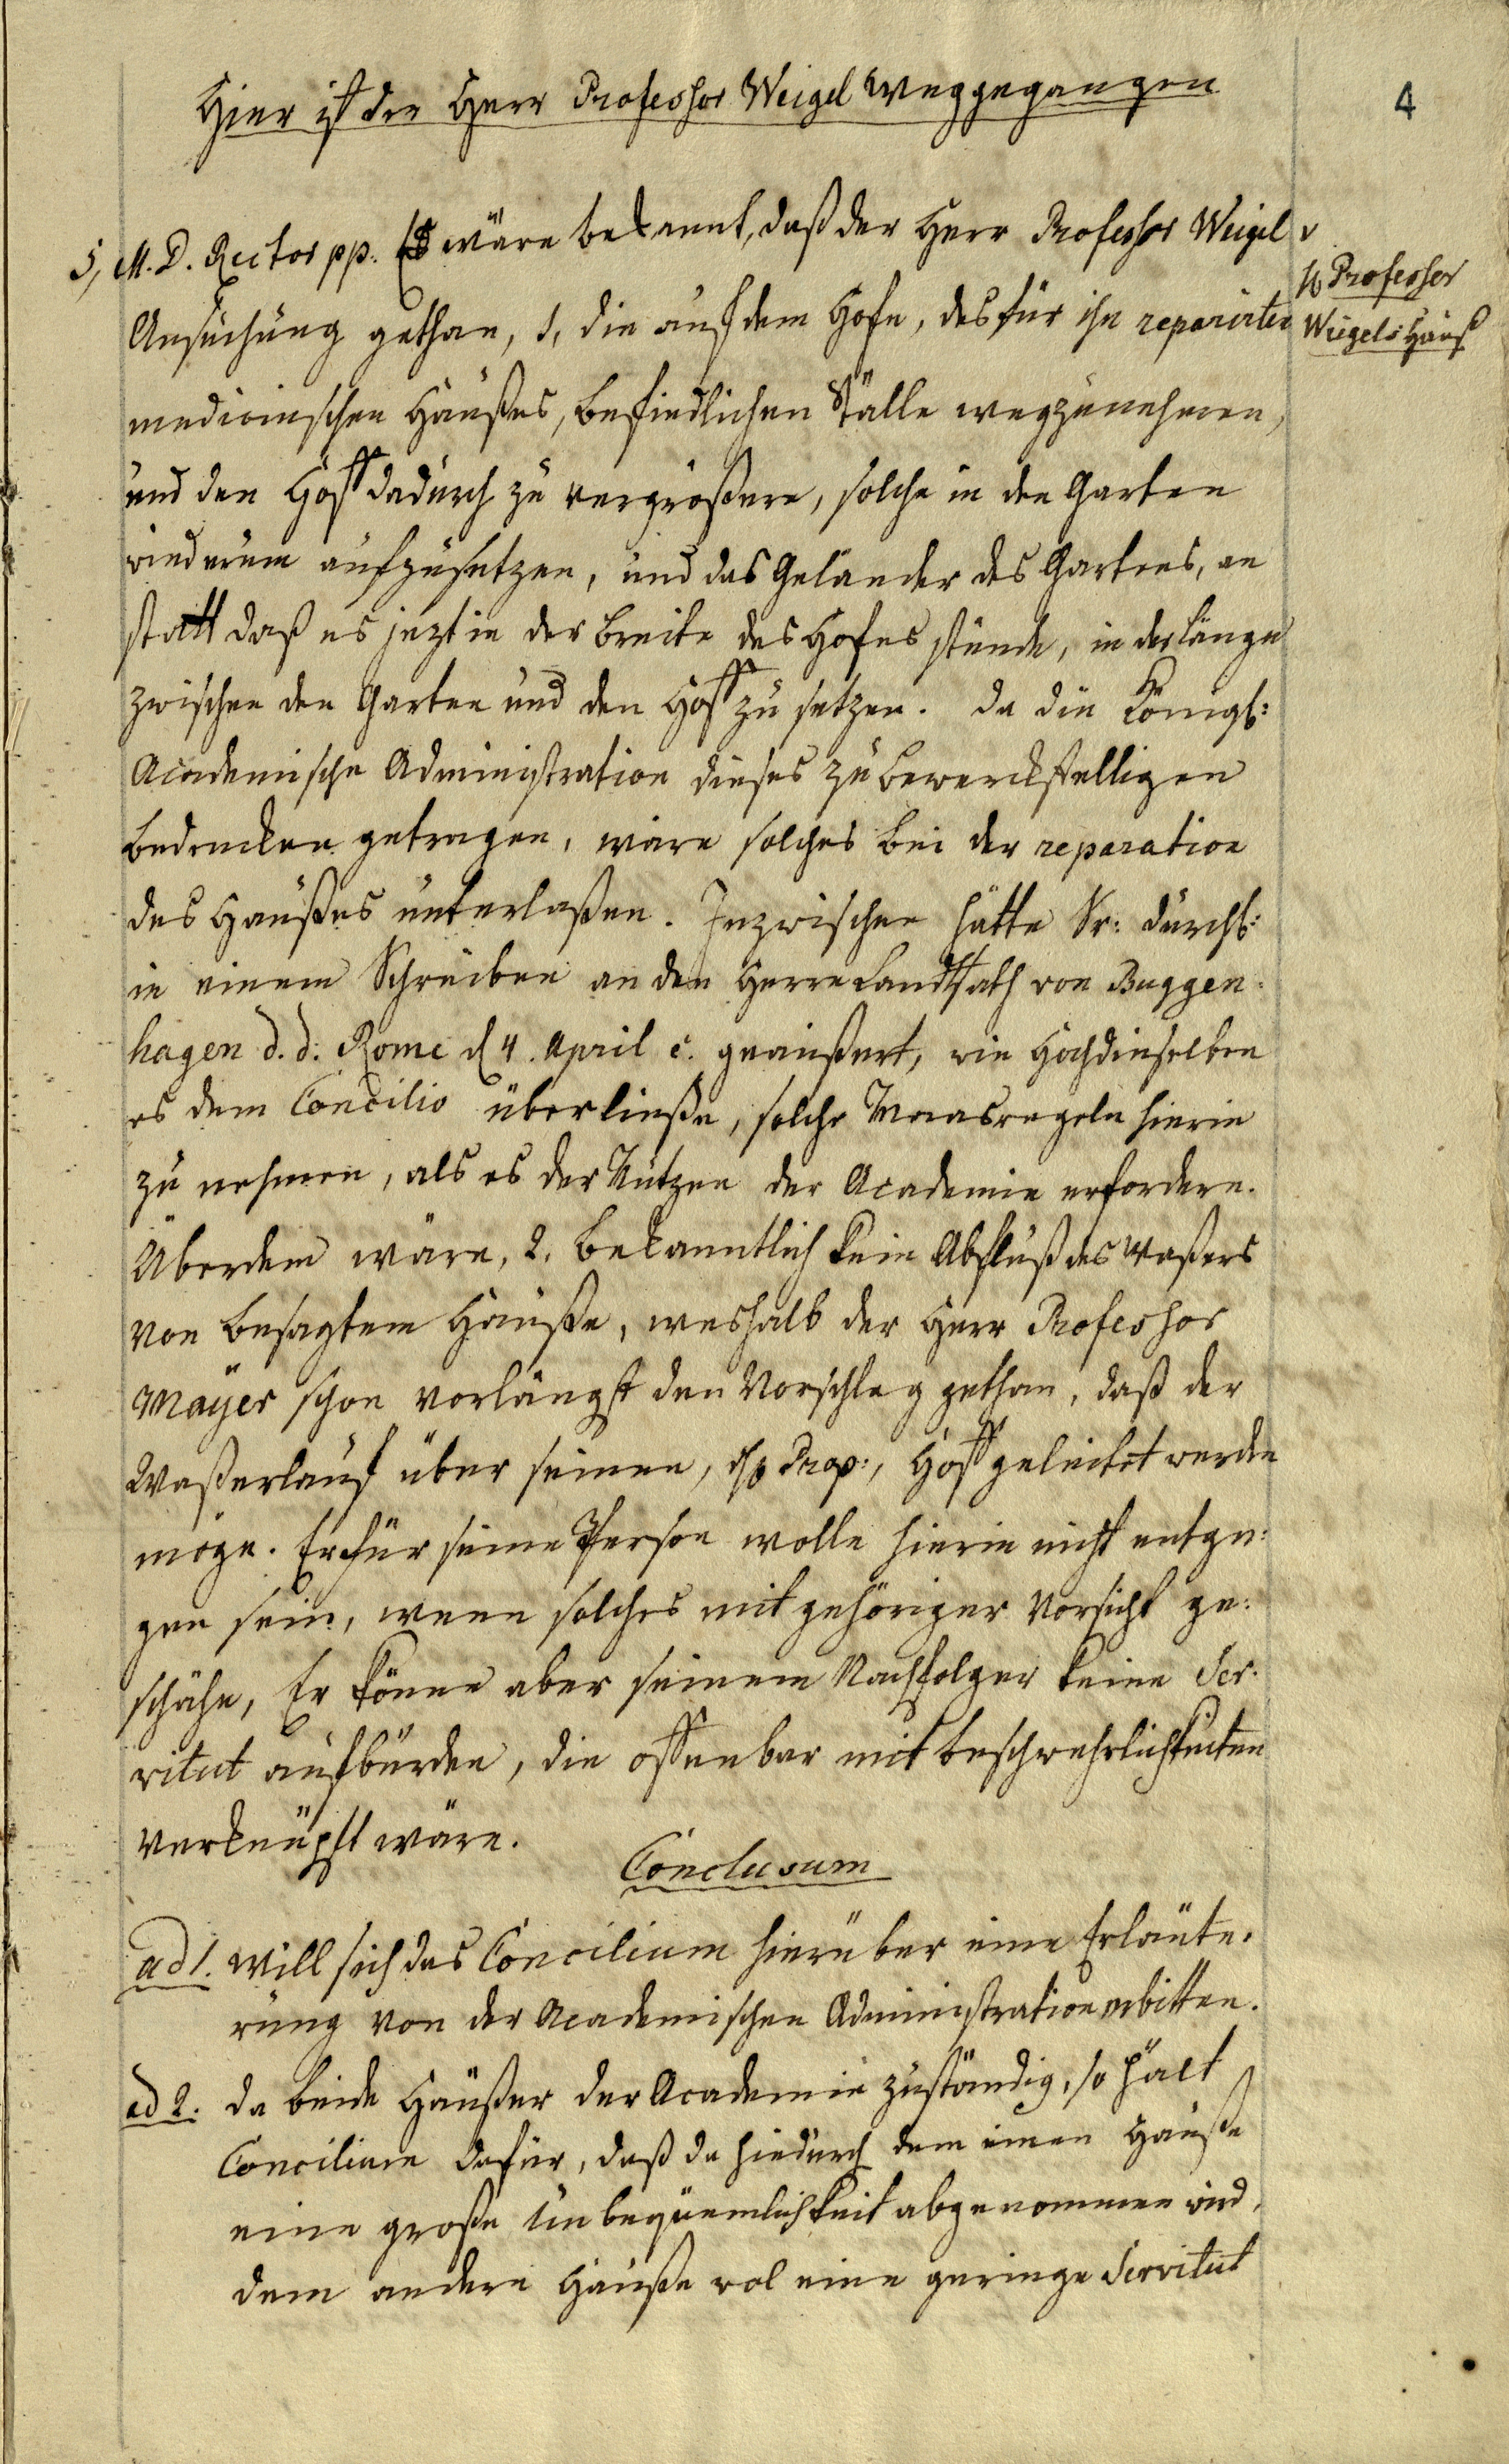Hier ist der Herr Professor Weigel weggegangen
5, M. D. Rector pp: Es wäre bekannt, daß der Herr Professor Weigel
Ansuchung gethan, 1, die auf dem Hofe, des für ihn reparirten
medicinischen Haußes, befindlichen Ställe wegzunehmen
und den Hof dadurch zu vergrößern, solche in den Garten
wiederum aufzusetzen, und das Geländer des Gartens, an
statt daß es jezt in der Breite des Hofes stünde, in der Länge
zwischen den Garten und den Hof zu setzen. da die Königl:
Academische Administration dieses zu bewerckstelligen
Bedencken getragen, wäre solches bei der reparation
des Haußes unterlaßen. Inzwischen hätte Sr: Durchl:
in einem Schreiben an den Herrn LandRath von Buggen¬
hagen d.d. Rome d 4. April e. geäußert, wie Hochdieselben
es dem Concilio überließe, solche Maasregeln hierin
zu nehmen, als es der Nutzen der Academie erfordere.
Überdem wäre, 2, bekanntlich kein Abfluß des Waßers
von besagtem Hauße, weshalb der Herr Professor
Maÿer schon vorlängst den Vorschlag gethan, daß der
Waßerlauf über seinen , dh Prop: Hof geleitet werden
möge. Er für seine Person wolle hierin nicht entge¬
gen sein, wenn solches mit gehöriger Vorsicht ge¬
schähe, Er könne aber seinem Nachfolger keine Ser¬
vitut aufbürden, die offenbar mit Beschwehrlichkeiten
verknüpft wäre.
Conclusum
ad 1. will sich das Concilium hierüber eine Erläute¬
rung von der Academischen Administration erbitten.
ad 2. da beide Häußer der Academie zuständig, so hält
Concilium dafür, daß da hiedurch dem einen Hauße
eine große Unbequemlichkeit abgenommen wird,
dem andern Hauße wol eine geringe Servitut